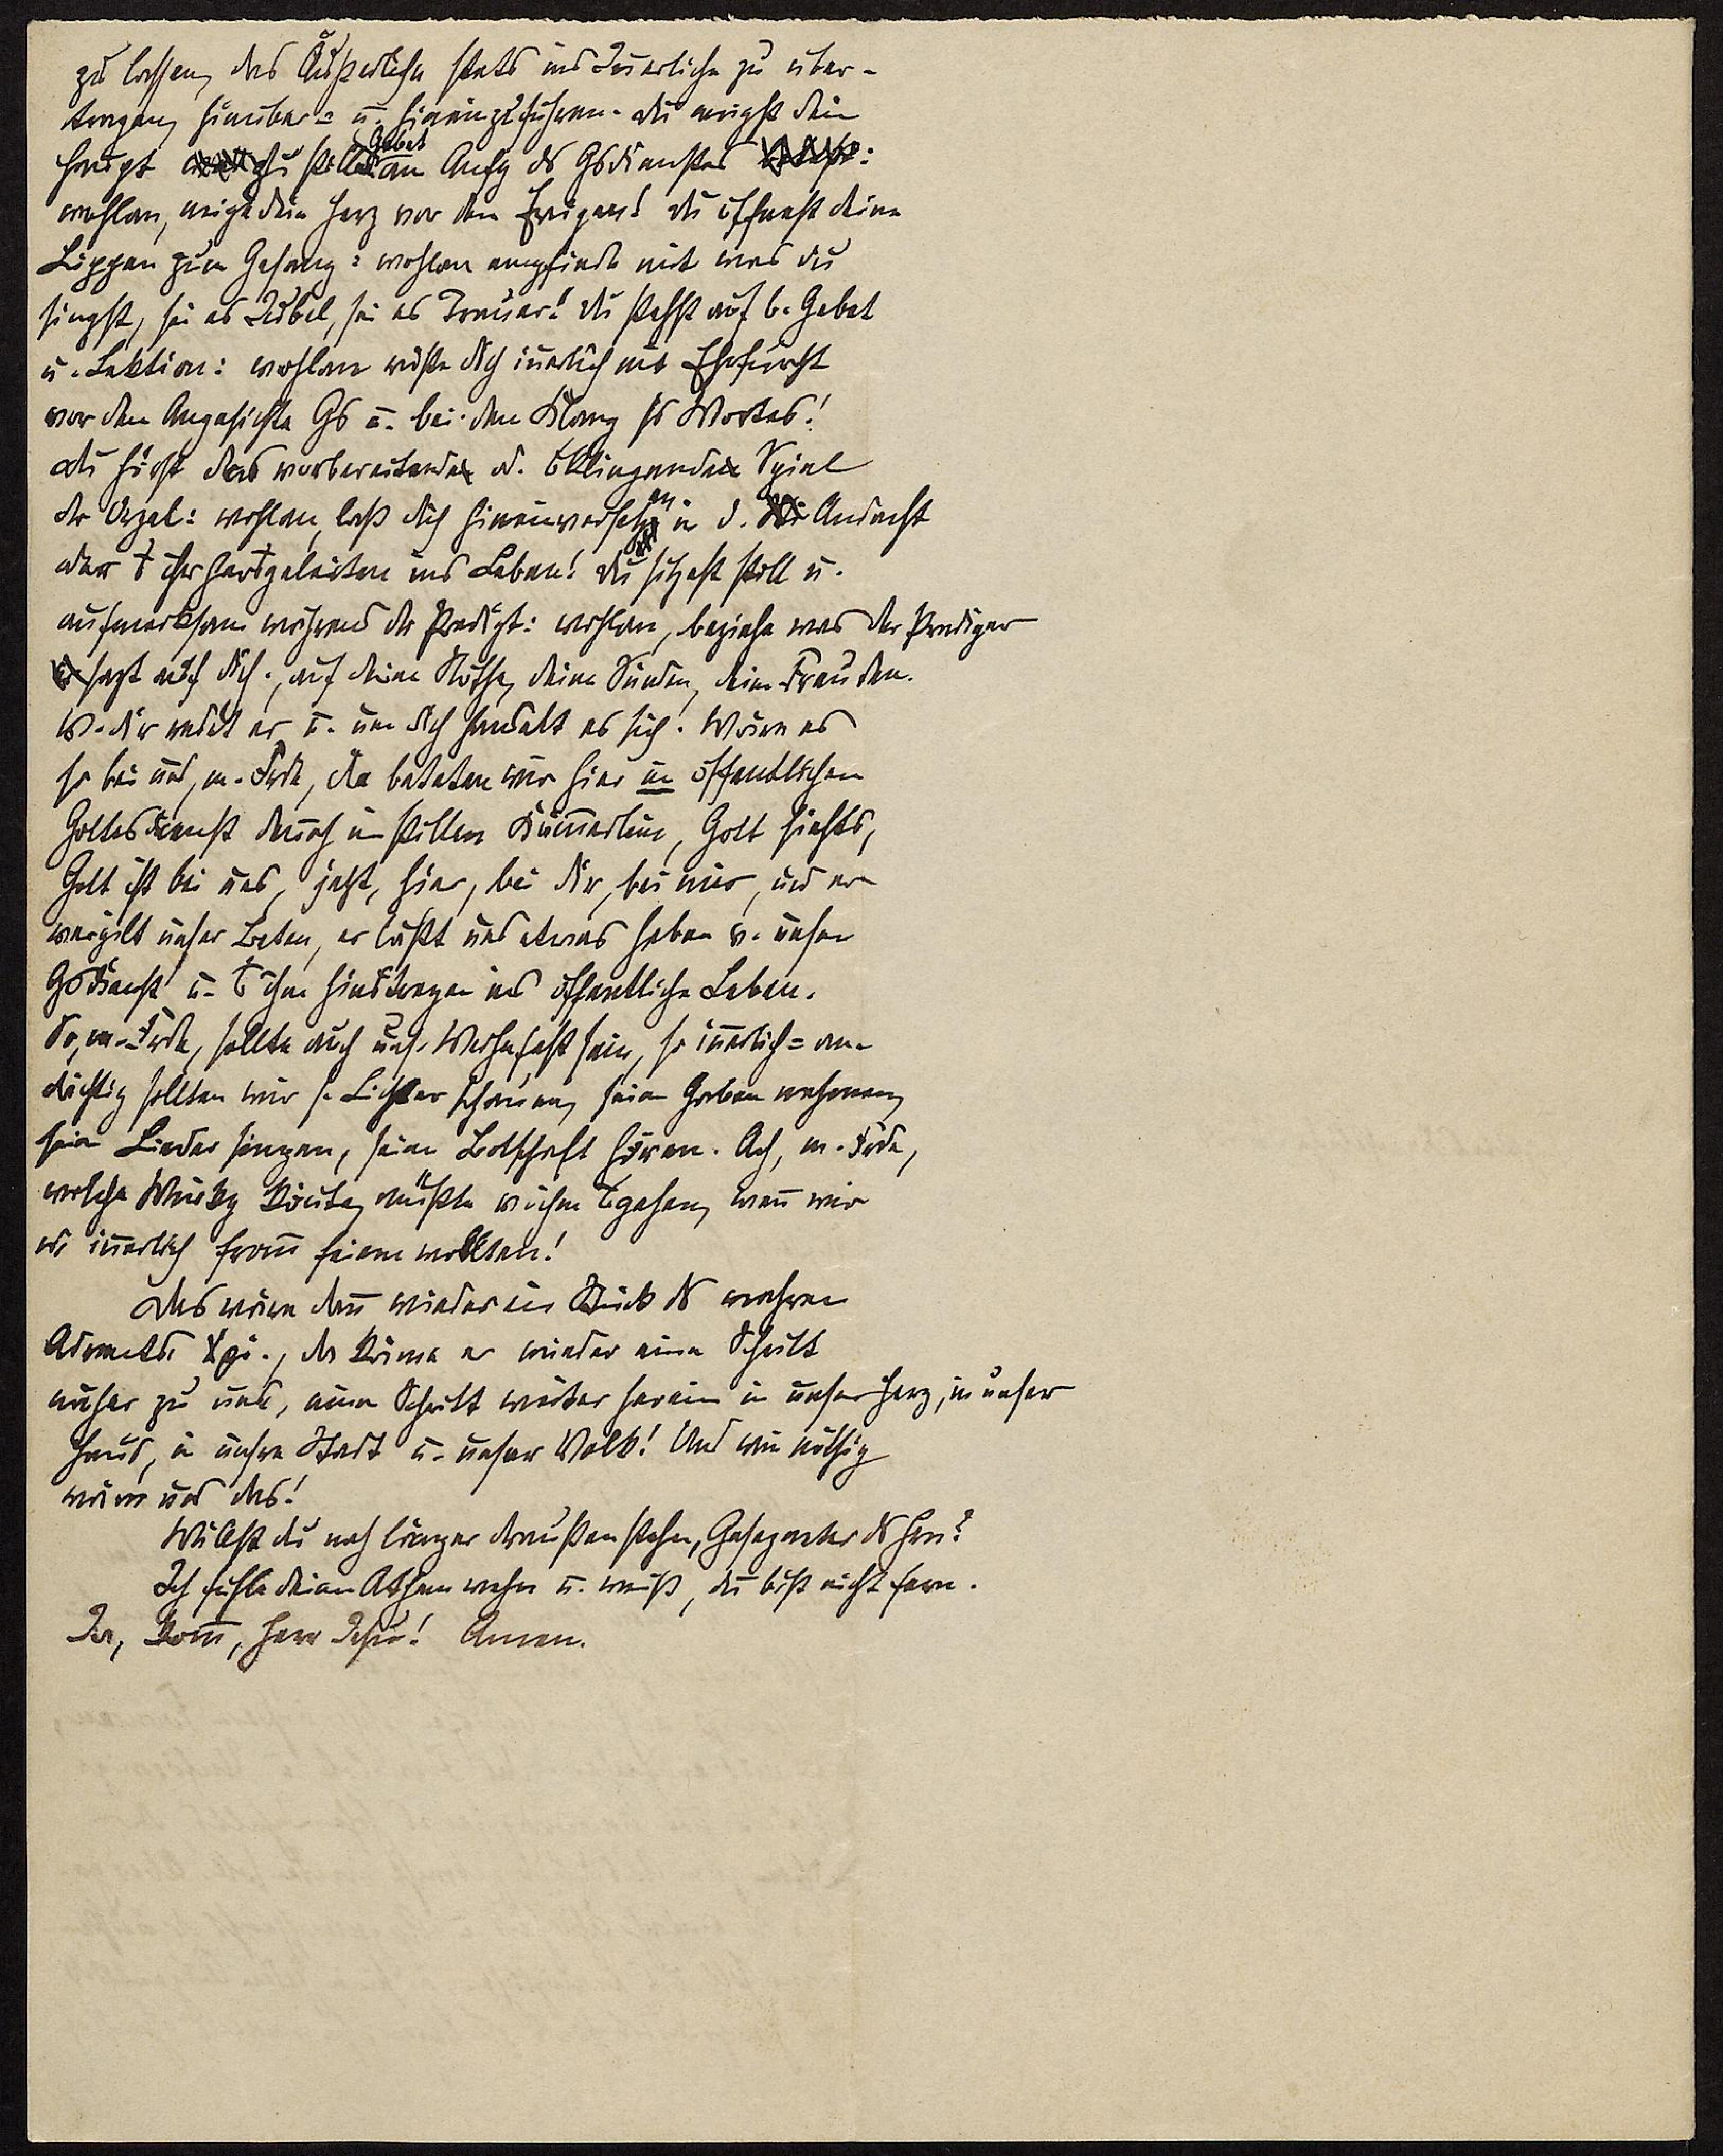zu lassen, das Äußerliche stets ins Innerliche zu über¬
tragen, hinüber- u. hineinzuführen. Du neigst dein
Gebet
Haupt viell.bei stillem am Anfg ds Gsdienstes betest:
wohlan, neige dein Herz vor dem Ewigen! Du öffnest deine
Lippen zum Gesang: wohlan empfinde mit was du
singst, sei es Jubel, sei es Trauer! Du stehst auf b. Gebet
u. Lektion: wohlan richt dich inerlich mit Ehrfurcht
vor dem Angesichte Gs. u. bei dem Klang ss Wortes!
Du hörst das vorbereitende o. aklingenden Spiel
der Orgel: wohlann, laß dich hineinversetzen in d. Sti Andacht
oder s. ihr herageleiten ins Leben! Du sitzest still u.
aufmerksam während der Predigt: wohlan, beziehe was der Prediger
dir sagt auf dich, auf deine Nöthe, deine Sünden, deine Freuden.
V. dir redet er u um dich handelt es sich. Wäre es
so bei uns, m. Frde, da beteten wir hier im öffentlichen
Gottesdienst denoch im stillen Kämmerlein, Gott siehts,
Gott ist bei uns, jetzt, hier, bei dir, bei mir und er
vergilt unser Beten, er läßt uns etwas haben v. unserm
Gsdienst u. s ihm hinstragen ins öffentliche Leben.
So, m. Frde, sollt auch uns. Weihnfest sein, so inerlich-an¬
dächtig sollten wir sn Lichter schauen, seine Gaben nehmen,
seine Lieder singen, seine Botschaft hören. Ach, m. Frde,
welche Wirkg könte, müßte reiche sgehen, wen wir
so inerlich from seien wollten!
Das wäre dan wieder ein Stück ds wahren
Advents Χρι, da käme er wieder einen Schritt
näher zu uns, einen Schritt weiter herin in unser Herz in unser
Haus, in unsre Stadt u. unser Volk! Und wie nöthig
wäre uns das!
Willst du noch länger draußen stehen, Gesegneter ds. Hrn?
Ich fühle deinen Athem wehn u. weiß, du bist nicht fern.
Ja, kom, Herr Jesu! Amen